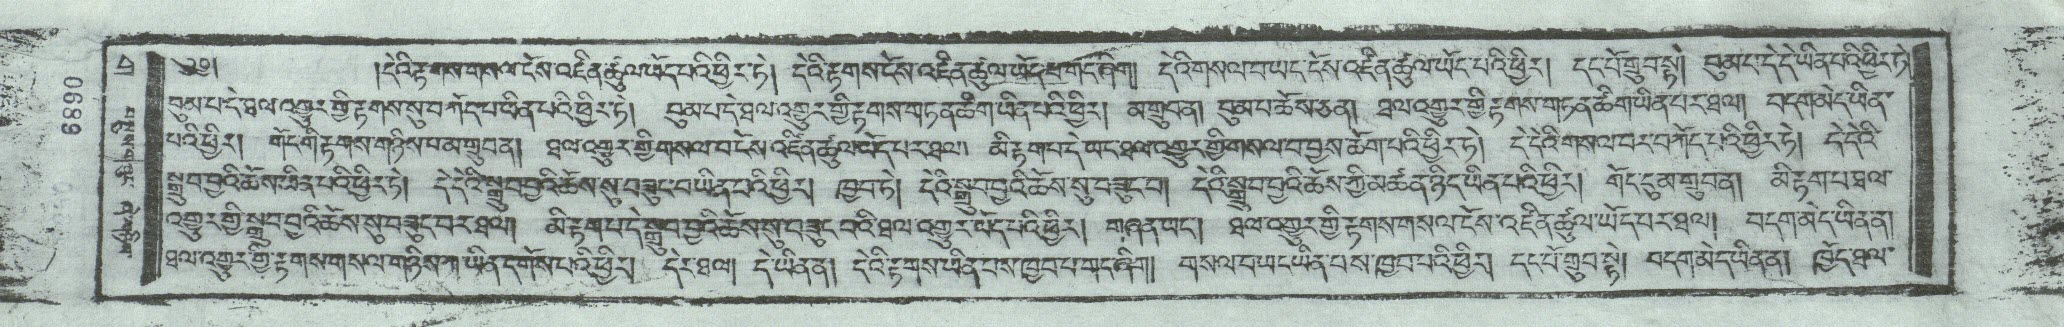༄༅། །དེའི་རྟགས་གསལ་ངོས་འཛིན་ཚུལ་ཡོད་པའི་ཕྱིར་ཏེ། དེའི་རྟགས་ངོས་འཛིན་ཚུལ་ཡོད་པ་གང་ཞིག། དེའི་གསལ་བ་ཡང་ངོས་འཛིན་ཚུལ་ཡོད་པའི་ཕྱིར། དང་པོ་གྲུབ་སྟེ། བུམ་པ་དེ་དེ་ཡིན་པའི་ཕྱིར་ཏེ།
བུམ་པ་དེ་ཐལ་འགྱུར་གྱི་རྟགས་སུ་བཀོད་པ་ཡིན་པའི་ཕྱིར་ཏེ། བུམ་པ་དེ་ཐལ་འགྱུར་གྱི་རྟགས་གཏན་ཚིག་ཡིན་པའི་ཕྱིར། མ་གྲུབ་ན། བུམ་པ་ཆོས་ཅན། ཐལ་འགྱུར་གྱི་རྟགས་གཏན་ཚིག་ཡིན་པར་ཐལ། བདག་མེད་ཡིན་
པའི་ཕྱིར། གོང་གི་རྟགས་གཉིས་པ་མ་གྲུབ་ན། ཐལ་འགྱུར་གྱི་གསལ་བ་ངོས་འཛིན་ཚུལ་ཡོད་པར་ཐལ། མི་རྟག་པ་དེ་ཡང་ཐལ་འགྱུར་གྱི་གསལ་བ་བྱས་ཆོག་པའི་ཕྱིར་ཏེ། དེ་དེའི་གསལ་བར་བཀོད་པའི་ཕྱིར་ཏེ། དེ་དེའི་
སྒྲུབ་བྱའི་ཆོས་ཡིན་པའི་ཕྱིར་ཏེ། དེ་དེའི་སྒྲུབ་བྱའི་ཆོས་སུ་བཟུང་བ་ཡིན་པའི་ཕྱིར། ཁྱབ་ཏེ། དེའི་སྒྲུབ་བྱའི་ཆོས་སུ་བཟུང་བ། དེའི་སྒྲུབ་བྱའི་ཆོས་ཀྱི་མཚན་ཉིད་ཡིན་པའི་ཕྱིར། གོང་དུ་མ་གྲུབ་ན། མི་རྟག་པ་ཐལ་
འགྱུར་གྱི་སྒྲུབ་བྱའི་ཆོས་སུ་བཟུང་བར་ཐལ། མི་རྟག་པ་དེ་སྒྲུབ་བྱའི་ཆོས་སུ་བཟུང་བའི་ཐལ་འགྱུར་ཡོད་པའི་ཕྱིར། གཞན་ཡང་། ཐལ་འགྱུར་གྱི་རྟགས་གསལ་ངོས་འཛིན་ཚུལ་ཡོད་པར་ཐལ། བདག་མེད་ཡིན་ན།
ཐལ་འགྱུར་གྱི་རྟགས་གསལ་གཉིས་ཀ་ཡིན་དགོས་པའི་ཕྱིར། དེར་ཐལ། དེ་ཡིན་ན། དེའི་རྟགས་ཡིན་པས་ཁྱབ་པ་གང་ཞིག། གསལ་བ་ཡང་ཡིན་པས་ཁྱབ་པའི་ཕྱིར། དང་པོ་གྲུབ་སྟེ། བདག་མེད་ཡིན་ན། ཁྱོད་ཐལ་